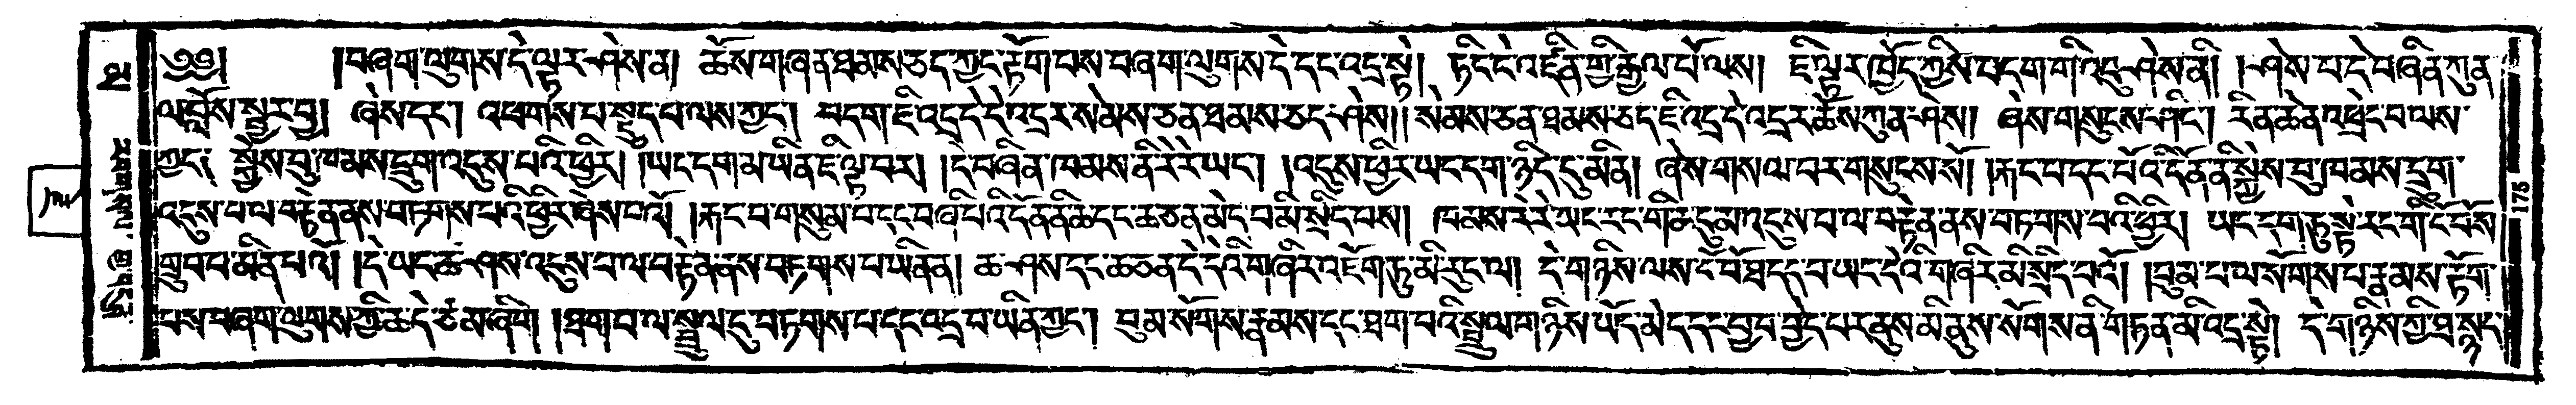༄༅། །བཞག་ལུགས་དེ་ལྟར་ཤེས་ན། ཆོས་གཞན་ཐམས་ཅད་ཀྱང་རྟོག་པས་བཞག་ལུགས་དེ་དང་འདྲ་སྟེ། ཏིང་ངེ་འཛིན་གྱི་རྒྱལ་པོ་ལས། ཇི་ལྟར་ཁྱོད་ཀྱིས་བདག་གི་འདུ་ཤེས་ནི། །ཤེས་པ་དེ་བཞིན་ཀུན་
ལ་བློས་སྦྱར་བྱ། ཞེས་དང་། འཕགས་པ་སྡུད་པ་ལས་ཀྱང་། བདག་ཇི་འདྲ་དེ་དེ་འདྲར་སེམས་ཅན་ཐམས་ཅད་ཤེས། །སེམས་ཅན་ཐམས་ཅད་ཇི་འདྲ་དེ་འདྲར་ཆོས་ཀུན་ཤེས། ཞེས་གསུངས་ཤིང་། རིན་ཆེན་འཕྲེང་བ་ལས་
ཀྱང་། སྐྱེས་བུ་ཁམས་དྲུག་འདུས་པའི་ཕྱིར། །ཡང་དག་མ་ཡིན་ཇི་ལྟ་བར། །དེ་བཞིན་ཁམས་ནི་རེ་རེ་ཡང་། །འདུས་ཕྱིར་ཡང་དག་ཉིད་དུ་མིན། ཞེས་གསལ་བར་གསུངས་སོ། །རྐང་པ་དང་པོའི་དོན་ནི་སྐྱེས་བུ་ཁམས་དྲུག་
འདུས་པ་ལ་བརྟེན་ནས་བཏགས་པའི་ཕྱིར་ཞེས་པའོ། །རྐང་པ་གསུམ་པ་དང་བཞི་པའི་དོན་ནི་ཆ་དང་ཆ་ཅན་མེད་པ་མི་སྲིད་པས། ཁམས་རེ་རེ་ཡང་རང་གི་ཆ་དུ་མ་འདུས་པ་ལ་བརྟེན་ནས་བཏགས་པའི་ཕྱིར། ཡང་དག་ཏུ་སྟེ་རང་གི་ངོ་བོས་
གྲུབ་པ་མིན་པའོ། །དེ་ཡང་ཆ་ཤས་འདུས་པ་ལ་བརྟེན་ནས་བཏགས་པ་ཡིན་ན། ཆ་ཤས་དང་ཆ་ཅན་དེ་དེའི་གཞིར་འཇོག་ཏུ་མི་རུང་ལ། དེ་གཉིས་ལས་ངོ་བོ་ཐ་དད་པ་ཡང་དེའི་གཞིར་མི་སྲིད་པའོ། །བུམ་པ་ལ་སོགས་པ་རྣམས་རྟོག་
པས་བཞག་ལུགས་ཀྱི་ཆ་དེ་ཙམ་ཞིག །ཐག་པ་ལ་སྦྲུལ་དུ་བཏགས་པ་དང་འདྲ་བ་ཡིན་ཀྱང་། བུམ་སོགས་རྣམས་དང་ཐག་པའི་སྦྲུལ་གཉིས་ཡོད་མེད་དང་བྱ་བ་བྱེད་པར་ནུས་མི་ནུས་སོགས་ནི་གཏན་མི་འདྲ་སྟེ། དེ་གཉིས་ཀྱི་ཐ་སྙད་